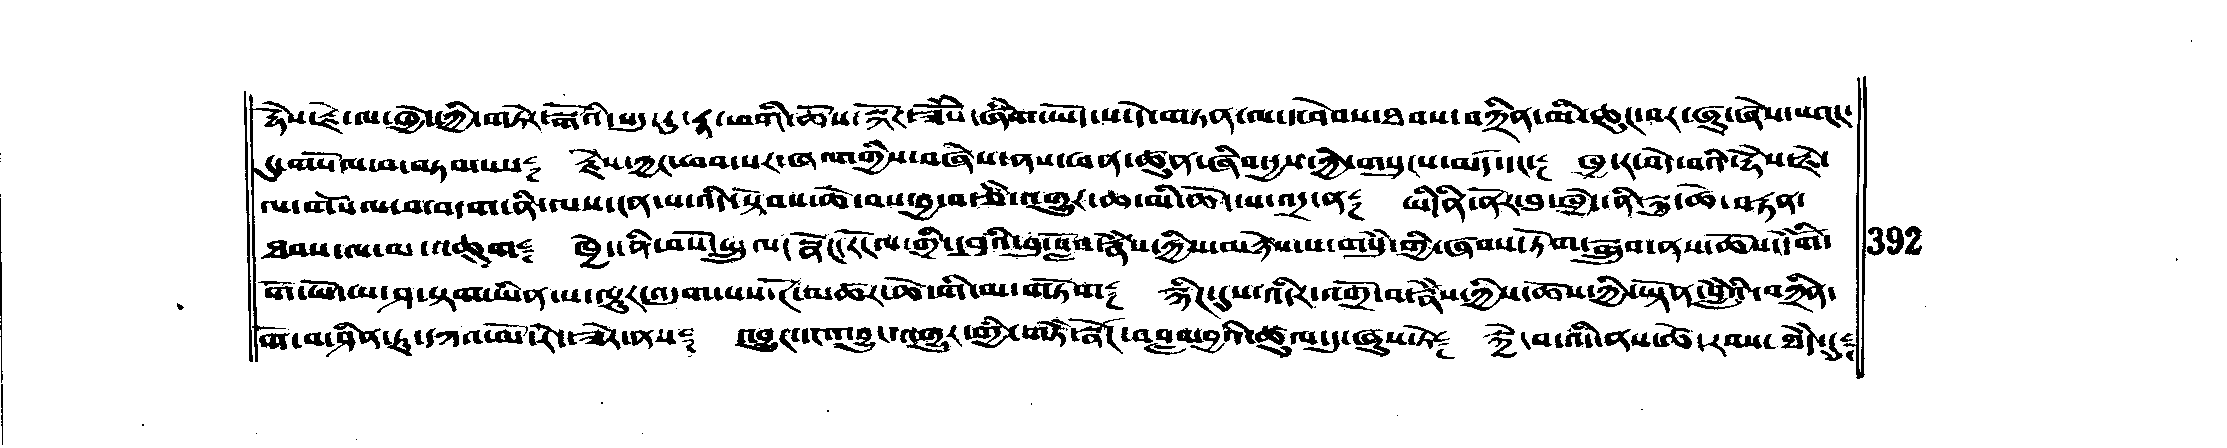རྡོ་རྗེས་རྗེ་ལ་ཁྱེད་ཀྱི་གཏེར་སྒོའི་གུ་རུ་རྟ་ཕག་གི་ཆོས་སྐོར་ཟབ་མོ་ཞིག་ཡོད་པ་དེ་གཏན་ལ་འབེབས་ཐབས་བཀའ་དྲིན་མི་ཆུང་བར་ཞུ་ཞེས་ཡང་
ཡང་དུ་གསོལ་བ་བཏབ་པས། རྗེས་ཀྱང་ཕབ་པར་ཞལ་གྱིས་བཞེས་ནས་ཕན་ཚུན་ཞིབ་རྒྱས་ཀྱི་གསུངས་མཛད་དང་། ཁྱད་པར་བདེ་བའི་རྡོ་རྗེས་རྗེ་
ལ་གསོལ་བ་བདག་ནི་ལས་ངན་པ་འདི་སྟོབས་ཆེ་བས་བྱ་བ་ཅི་འགྱུར་ཆ་མི་ཆོད་པ་འདྲ་ན། ཡིད་བཞིན་ནོར་བུ་ཁྱོད་ནི་སྐུ་ཚེ་བརྟན་
ཐབས་ལ་མ་འཆུག ཁྱེད་ནི་བསོ་སྤྲུལ་སྣ་ཚོགས་རང་གྲོལ་གྱི་དབུའི་བུ་སློབ་རྣམས་ཀྱིས་མཉེས་པ་གསུམ་གྱི་ཞབས་ཏོག་སྒྲུབ་ནས་ཆོས་དམ་ཚིག་
གོ་ཡོད་པ་ཤ་སྟག་ཡིན་པ་ལྟ་བུར་འདུག་པས་ངོ་མཚར་ཆེ་གི་མ་གཏོགས། སྙིགས་དུས་འདིར་འགྲོ་བ་རྣམས་ཀྱིས་ཆོས་ཀྱི་ཡོན་ཏན་བླ་མའི་བཀའ་དྲིན་
གོ་བ་ཤིན་ཏུ་དཀའ་མོ་རེད་ཟེར་ནས། འབྱུང་དང་འབྱུང་འགྱུར་གྱི་གཏམ་སྣ་ཚོགས་བསླབ་བྱའི་ཚུལ་དུ་ཞུས་ཏེ། སྐྱེ་བ་འདི་ནས་ཚེ་རབས་ཐམས་ཅད་དུ།